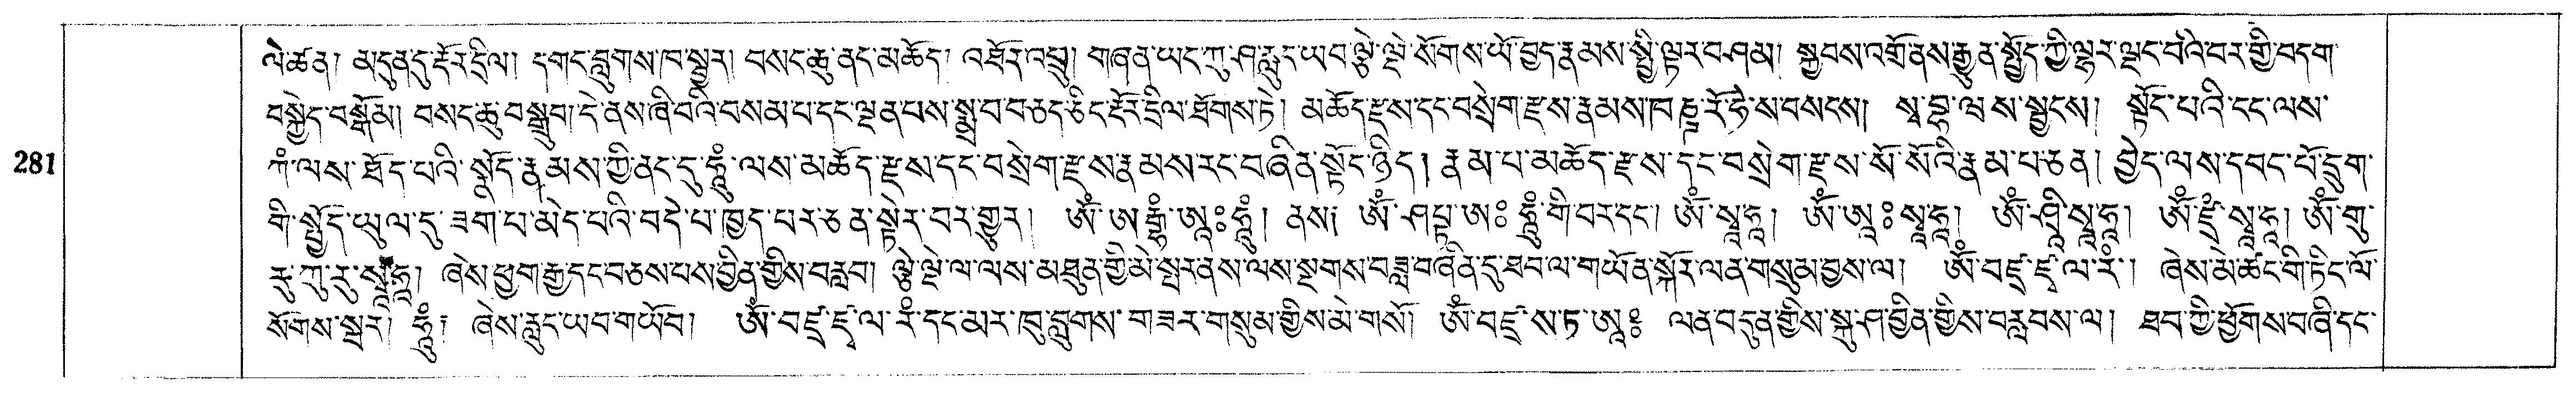ལེ་ཚན། མདུན་དུ་རྡོར་དྲིལ། དགང་བླུགས་ཁ་སྦྱར། བསང་ཆུ། ནང་མཆོད། འཐོར་འགྲུ། གཞན་ཡང་ཀུ་ཤ་རླུད་ཡབ་ལྕེ་ལྡེ་སོགས་ཡོ་བྱང་རྣམས་སྤྱི་ལྟར་བཤམ། སྐྱབས་འགྲོ་ནས་རྒྱུན་སྤྱོད་ཀྱི་ལྷར་ལྡང་བའི་བར་གྱི་བདག་
བསྐྱེད་བསྒོམ། བསང་ཆུ་བསྒྲུབ། དེ་ནས་ཞི་བའི་བསམ་པ་དང་ལྡན་པས་སྨྲ་བ་བཅང་ཅིང་རྡོར་དྲིལ་ཐོགས་ཏེ། མཆོད་རྫས་དང་བསྲེག་རྫས་རྣམས་ཁཎྜ་རོ་ཧེས་བསངས། སྭ་བྷཱ་ཝ་ས་སྦྱངས། སྟོང་པའི་ངང་ལས་
ཀཾ་ལས་ཐོད་?་པའི་སྣོང་རྣམས་ཀྱི་ནང་དུ་ཧཱུཾ་ལས་མཆོད་རྫས་དང་བསྲེག་རྫས་རྣམས་རང་བཞིན་སྟོང་ཉིད། རྣམ་པ་མཆོད་རྫས་དང་བསྲེག་?་རྫས་སོ་སོའི་རྣམ་པ་ཅན། བྱེད་ལས་དབང་པོ་དྲུག་
གི་སྤྱོད་ཡུལ་དུ་ཟག་བ་མེད་པའི་བདེ་བ་ཁྱད་པར་ཅན་སྟེར་བར་གྱུར། ཨོཾ་ཨརྒྷཾ་ཨཱཿ ཧཱུཾ། ནས། ཨོཾ་ཤབཏ་ཨཱཿ ཧཱུཾ་གི་བར་དང་། ཨོཾ་སྭཱ་ཧཱ། ཨོཾ་ཨཱཿ སྲཱཧཱ། ཨོཾ་ཤྲཱིཾ་སྲཱ་ཧཱ། ཨོཾ་རྫྲིཾ་སྲཱཧཱ། ཨོཾ་ཀུ་
རུ་ཀུ་རུ་སྲཱ་ཧཱ། ཞེས་ཕྱག་རྒྱ་དང་བཅས་པས་བྱིན་གྱིས་བརླབ། ལྡེ་ལྡེ་ལ་ལས་མཐུན་གྱི་མེ་སྤར་ནས་ལས་སྡགས་བཟླ་བཞིན་དུ་ཐབ་ལ་གཡོན་སྐོར་ལན་གསུམ་བྱས་ལ། ཨོཾ་བྫྲ་ཛྭ་ལ་རཾ། ཞེས་མེ་ཚང་གི་ཏིང་ལོ་
སོགས་སྦར། ཧཱུཾ༑ ཞེས་རླུང་ཡབ་གཡོབ། ཨོཾ་བྫྲ་ཛྭ་ལ་རཾ་དང་མར་ཁུ་བླུགས་གཟར་གསུམ་གྱིས་མེ་གསོ། ཨོཾ་བྫྲ་ས་ཏྭ་ཨཱཿ ལན་བདུན་གྱིས་སྐུ་ཤ་བྱིན་གྱིས་བརླབས་ལ། ཐབ་ཀྱི་ཕྱོགས་བཞི་དང་